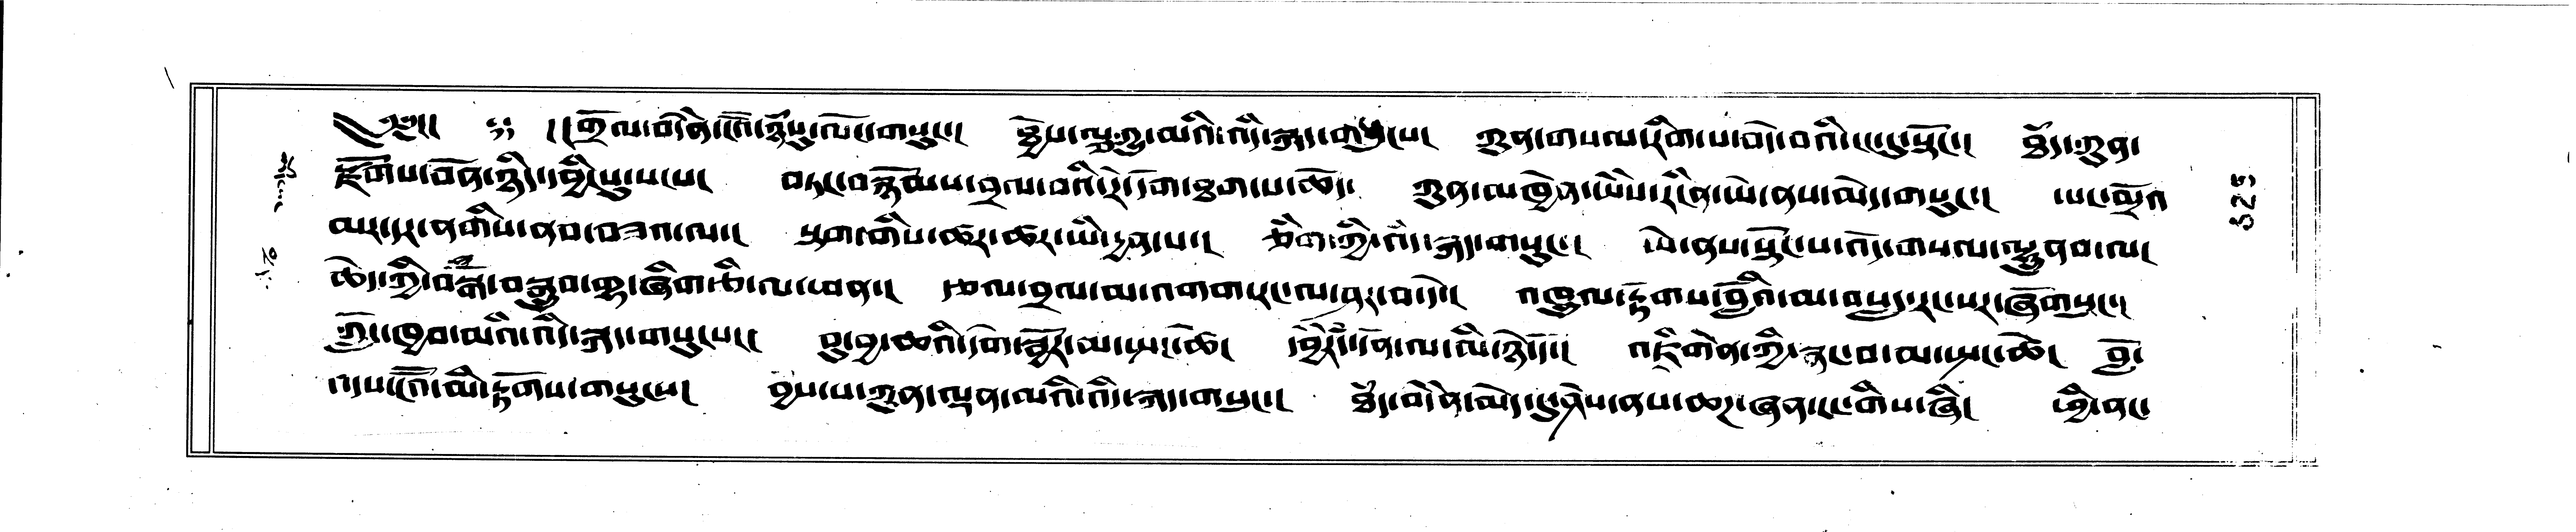གྲོལ་བདེ་ཆེན་ངོའོ་ཉམས་སུ་ལོངས་གསུངས། ཐུགས་རྗེས་ལྕགས་ཀྱུ་མས་འདི་སྐད་གསུངས། ཀུན་གསལ་རིག་པ་བདེ་བའི་ངང་དུ་སྟོང་། ཐམས་ཅད་ཀུན་
རྗོབ་བོན་ཉིད་དབྱིངས་སུ་སངས། བཏང་སྙོམས་བྲལ་བས་རེ་དོག་ཐག་པ་ཆོད། ཀུན་མཁྱེན་ཡེ་ཤེས་རང་བཞིན་ཡེ་ནས་མེད་གསུངས། “ཡང་མཁའ་འགྲོ་
མར་དར་ནག་གིས་ནབ་བཟའ་ལ། སྟག་གིས་ཚར་ཚར་བརྒྱན་པ་ཅིག་ཀྱི་འདི་སྐད་གསུངས།’’ དོན་ལྡན་གཡུང་དྲུང་འོད་ཀྱི་གཞལ་ཡས་ནས། ཡེ་ནས་སྟོང་པ་འོད་གསལ་ལྷུན་གྲུབ་ལ།
 ཆད་ཀྱི་སྒོམ་སྒྲུབས་འགའ་ཞིག་ཅི་ལ་ཕན། རྩལ་གྲོལ་‘‘བྲལ”མ་གྷག་(འགག)་རང་ལ་ཤར་བ་དེ། འཁྲུལ་རྟོག་བློའི་མ་སླད་རང་སར་ཞོག་གསུངས། 
ཀློང་ཁྱབ་མས་འདི་སྐད་གསུངས། བུ་བྱ་ཆའི་དགེ་སྦྱོར་མ་སྤང་ཚེ། བྱར་མེད་དོན་ལ་མི་ཉེ། འཇིག་རྟེན་གྱིས་སྣང་བ་མ་སྤང་ཚེ། ཡང་དག་གིས་དོན་ཆེན་མི་འགྲུབ། དུག་ལྔ་རང་སར་མ་གྲོལ་ཚེ། ཡེ་ཤེས་རྒྱུད་ལ་མི་གནས། སྙོམ་བྱེད་བློ་དང་མ་བྲལ་ཚེ། བློ་
འདས་ངོའོ་མི་རྟོགས་གསུངས། བྱམས་པ་ཀུན་གསལ་མས་འདི་སྐད་གསུངས། ཐམས་ཅད་བདེན་མེད་དུ་ཤེས་ན་ཆགས་ཞེན་ངང་གི་ཞི། ཕྱི་